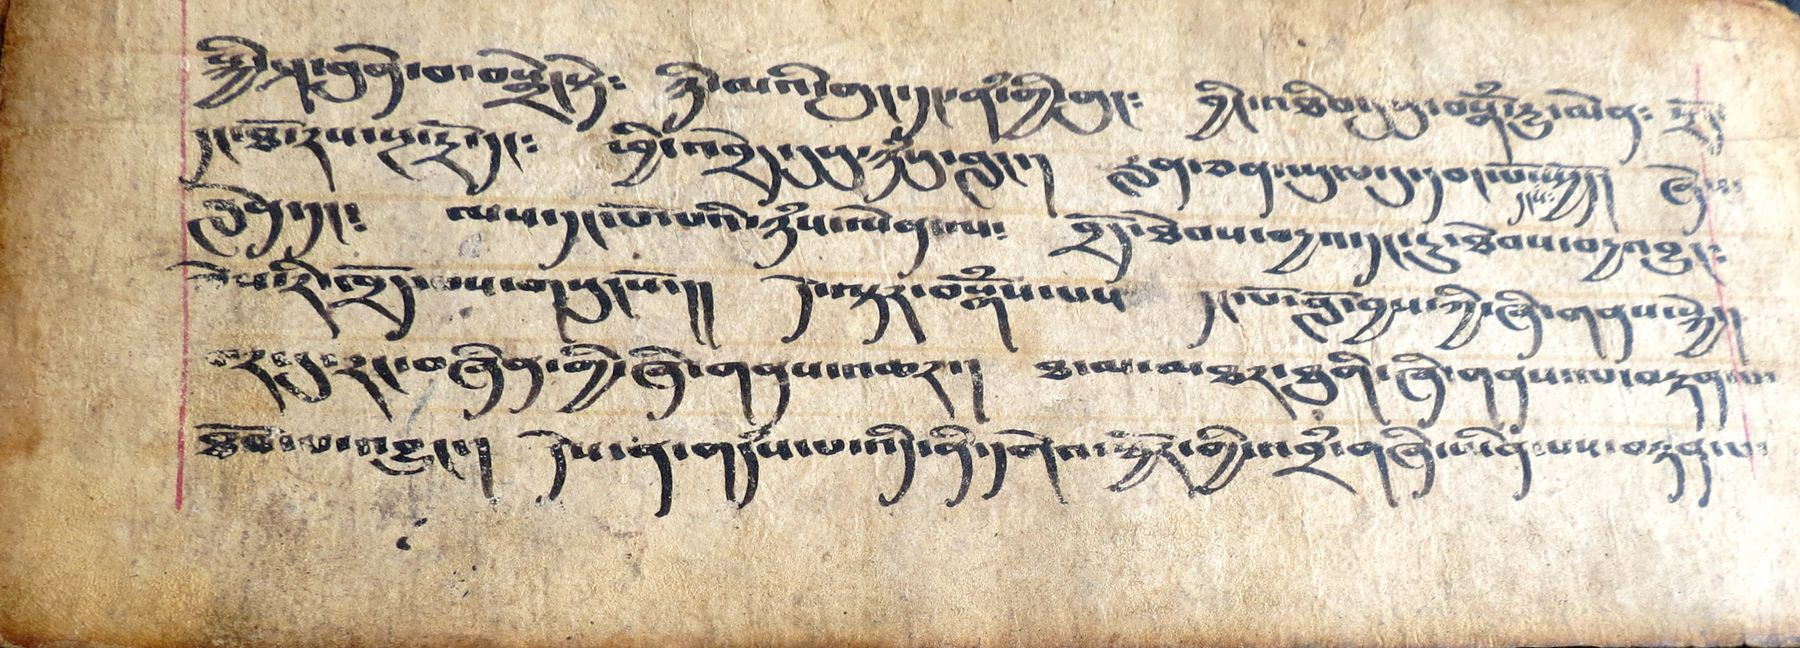སྐྱིད་ཤ་བུན་ནེ་བསྒྲང་སྟེ། ཉི་མའི་གུང་དང་ནམ་གྱི་གུང་། བྱིང་འཐིབས་དུས་སུ་བསྒོམ་རྒྱུ་མིན། སྲོད་
དང་ཐོ་རངས་སྔ་དྲོ་དང་། ཕྱི་འཕྲེད་དུས་སུ་ཉམས་སུ་བླངས། རླན་ཅན་ཡུལ་དུ་དབང་པོ་གསེང་། ཞེས་
བླ་ཆེན་དང་། ལས་དང་པོ་བའི་ཉམས་ལེན་ལ་བྲོད་ཐེབས་བརྒྱ་དང་། ངུ་ཐེབས་བརྒྱ་འབྱུང་
ཞེས་རི་ཁྲོད་པས་གསུངས་སོ། ། དེ་ལྟར་སྒོམ་པས། དང་པོར་བློས་བྱས་ཀྱི་ཞི་གནས་སྐྱེ། 
བར་དུ་རང་བཞིན་གྱི་ཞི་གནས་འཆར། ཐ་མ་མཐར་ཐུག་གི་ཞི་གནས་ལ་བརྟན་པ་
ཐོབ་པ་འབྱུང་། དེས་ན་གདམས་པ་འདི་ནི་དགེ་སྦྱོར་གྱི་འགྲམ་གཞི་ཡིན་པས་བརྟན་པ་